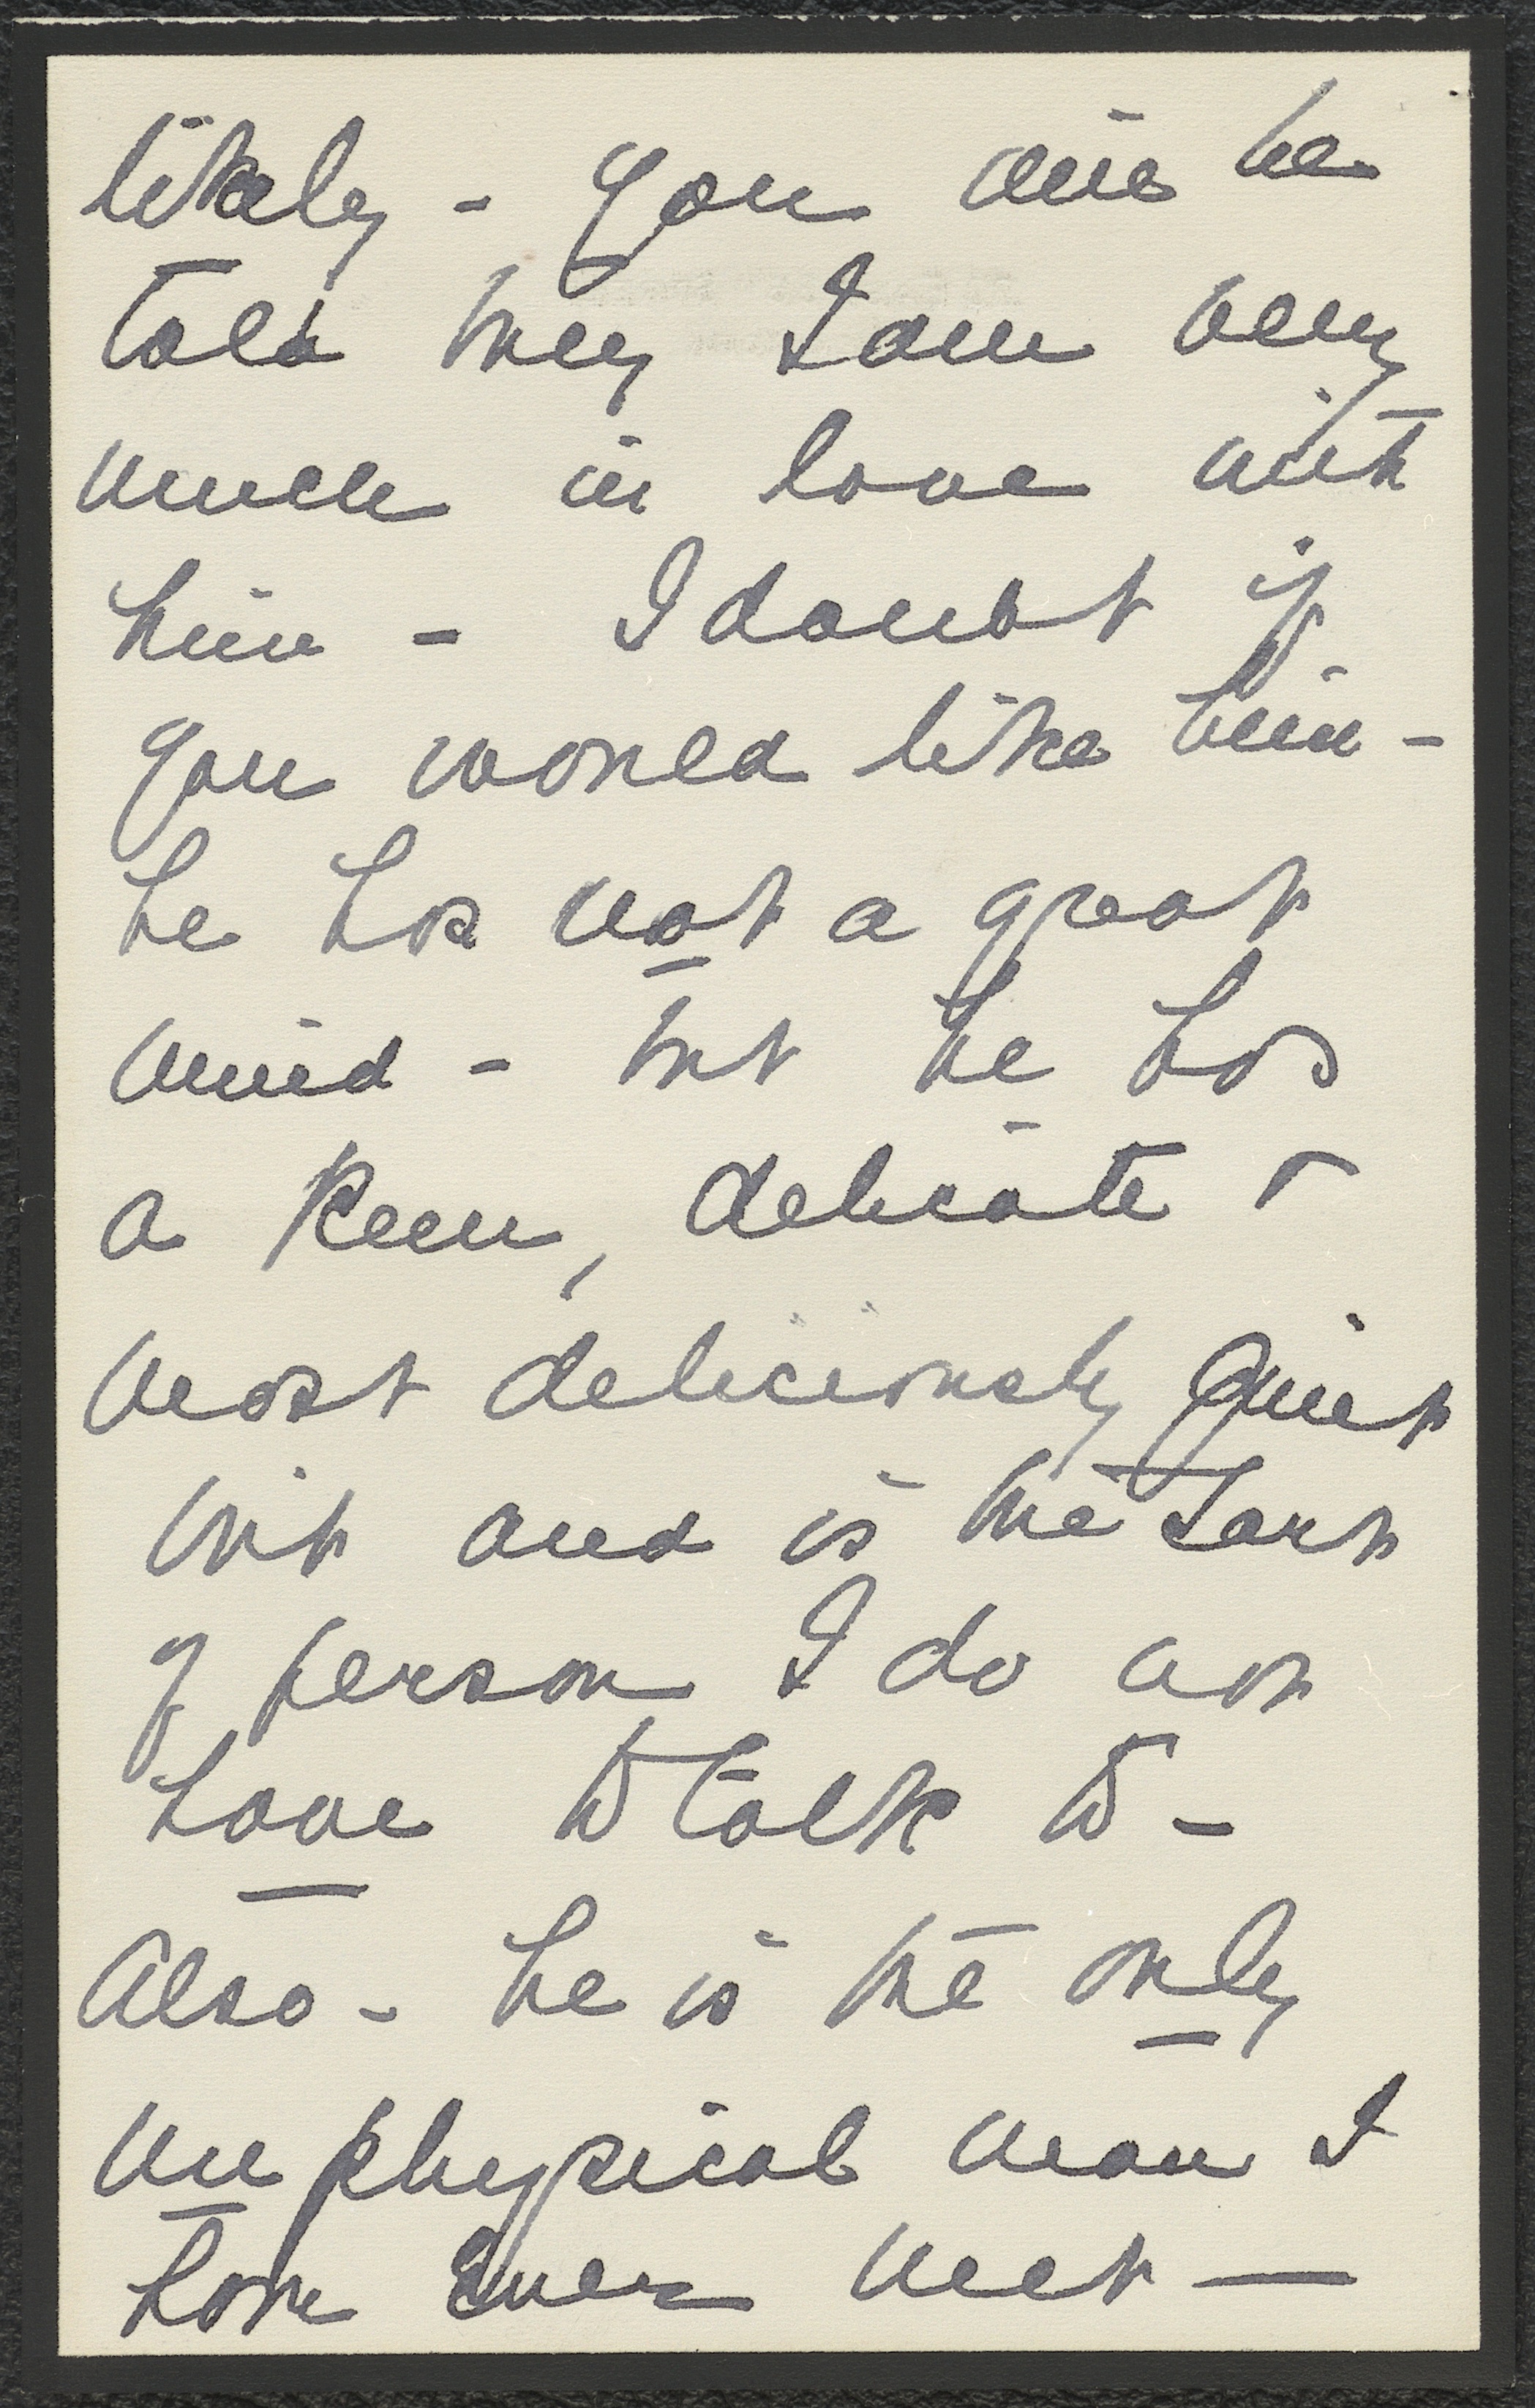likely – you will be told that I am very much in love with him – I doubt if you would like him – he has not a great mind – but he has a keen, delicate & most deliciously quiet wit and is one sort of person I do not have to talk to – also – he is the only unphysical man I have ever met –